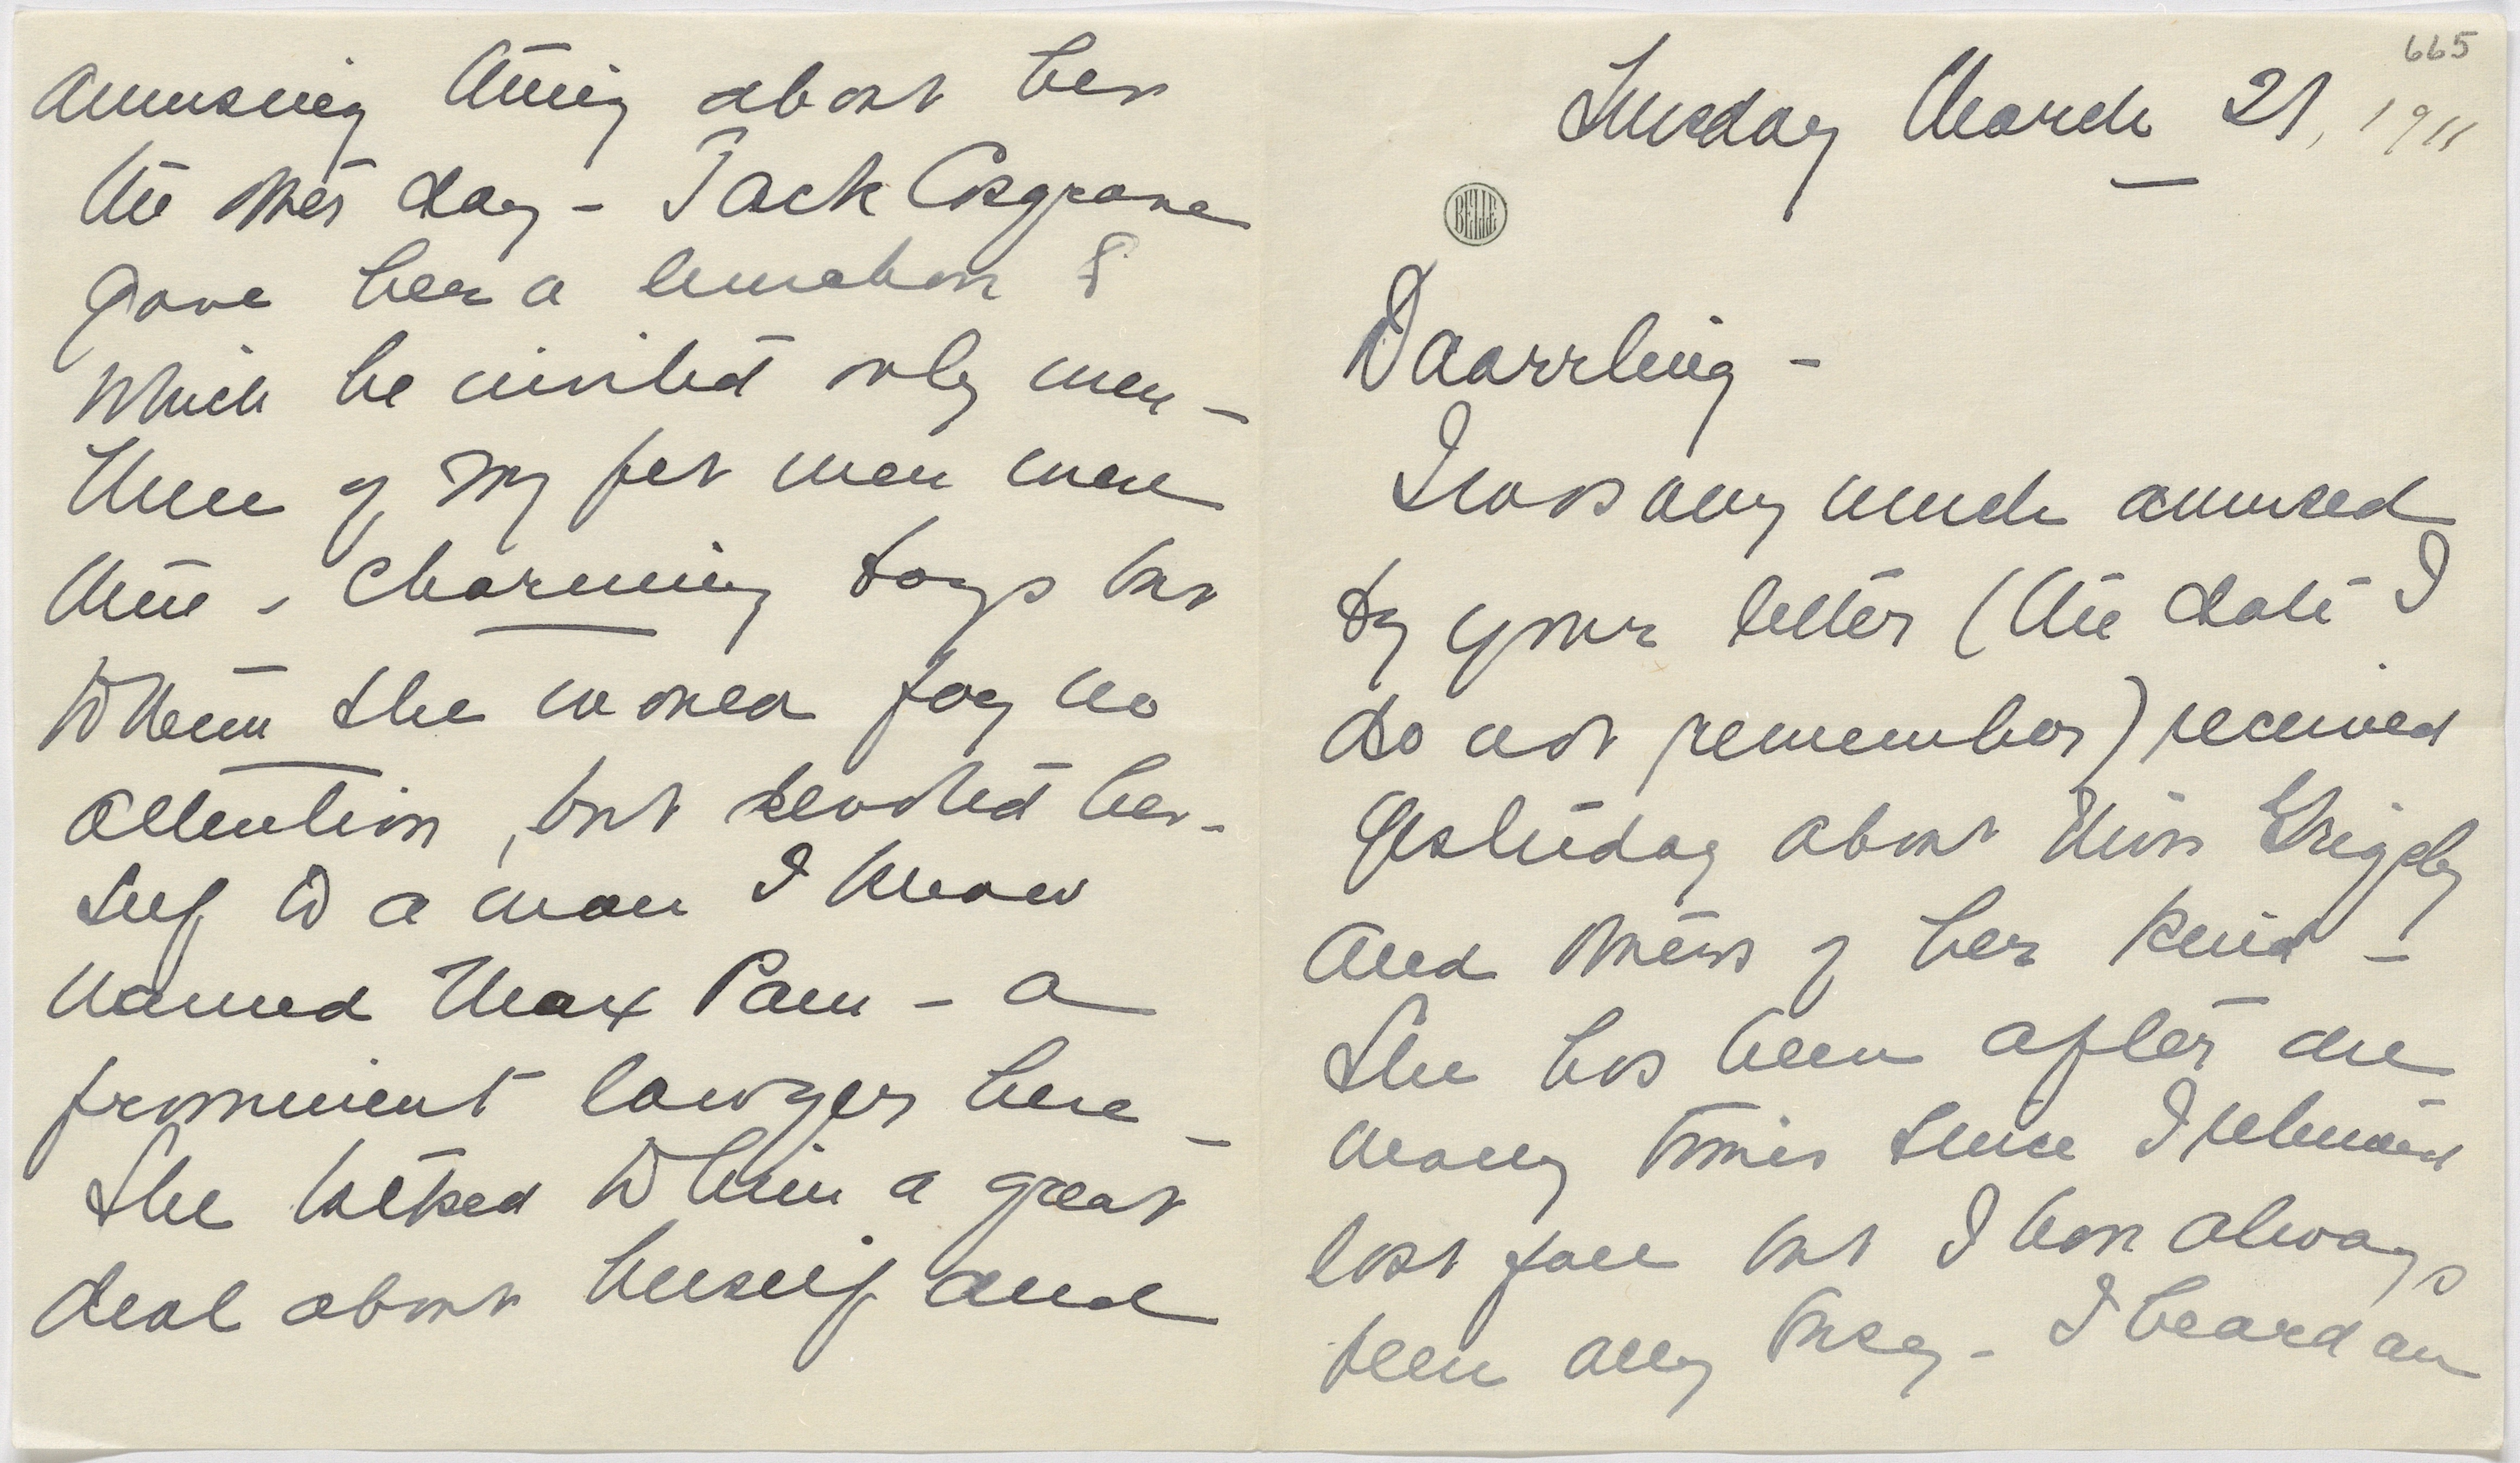Tuesday March 21
–
Daarrling –
I was very much amused by your letter (the date I do not remember) received yesterday about Miss Grigsby and others of her kind – She has been after me many times since I returned last fall but I have always been very busy – I heard an
amusing thing about her the other day – Jack Cosgrave gave her a luncheon to which he invited only men – Three of my pet men were there – charming boys but to them she would pay no attention, but devoted herself to a man I know named Max Pam – a prominent lawyer here –
She talked to him a great deal about herself and